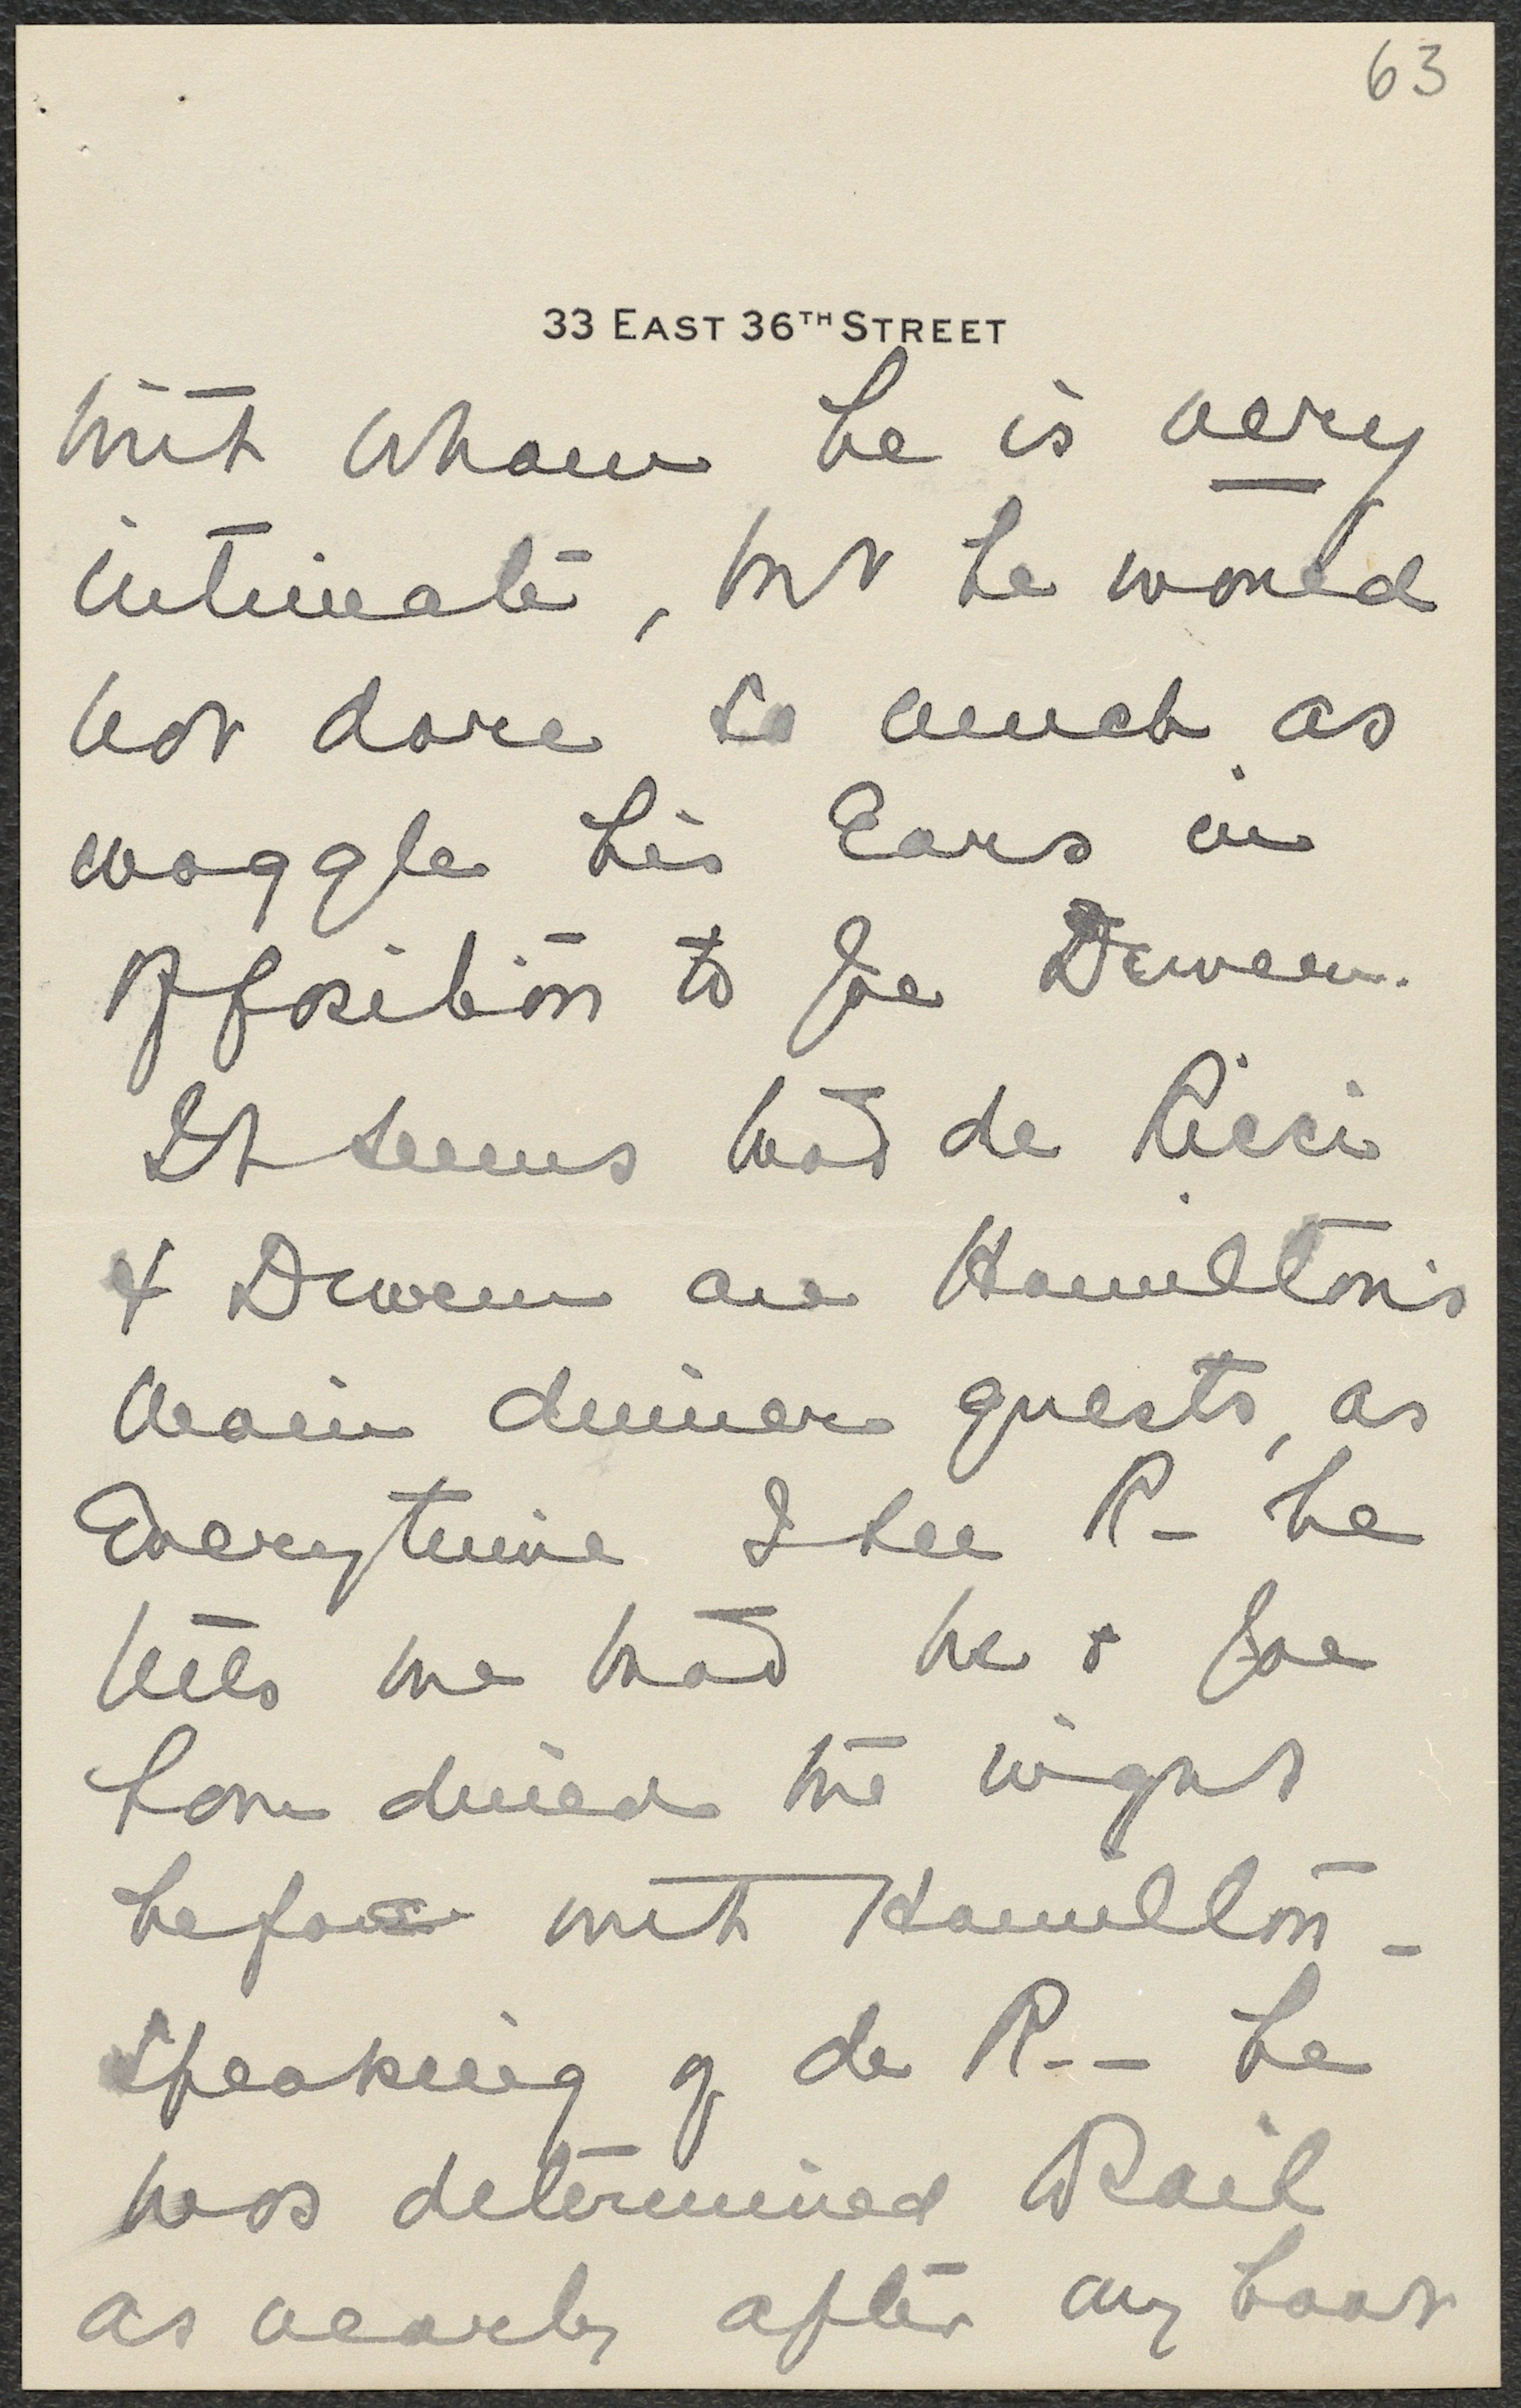with whom he is very intimate, but he would not dare so much as waggle his ears in opposition to Joe Duveen.
It seems that de Ricci & Duveen are Hamilton's main dinner guests, as everytime I see R – he tells me that he & Joe have dined the night before with Hamilton – Speaking of de R.– he was determined to sail as nearly after my boat